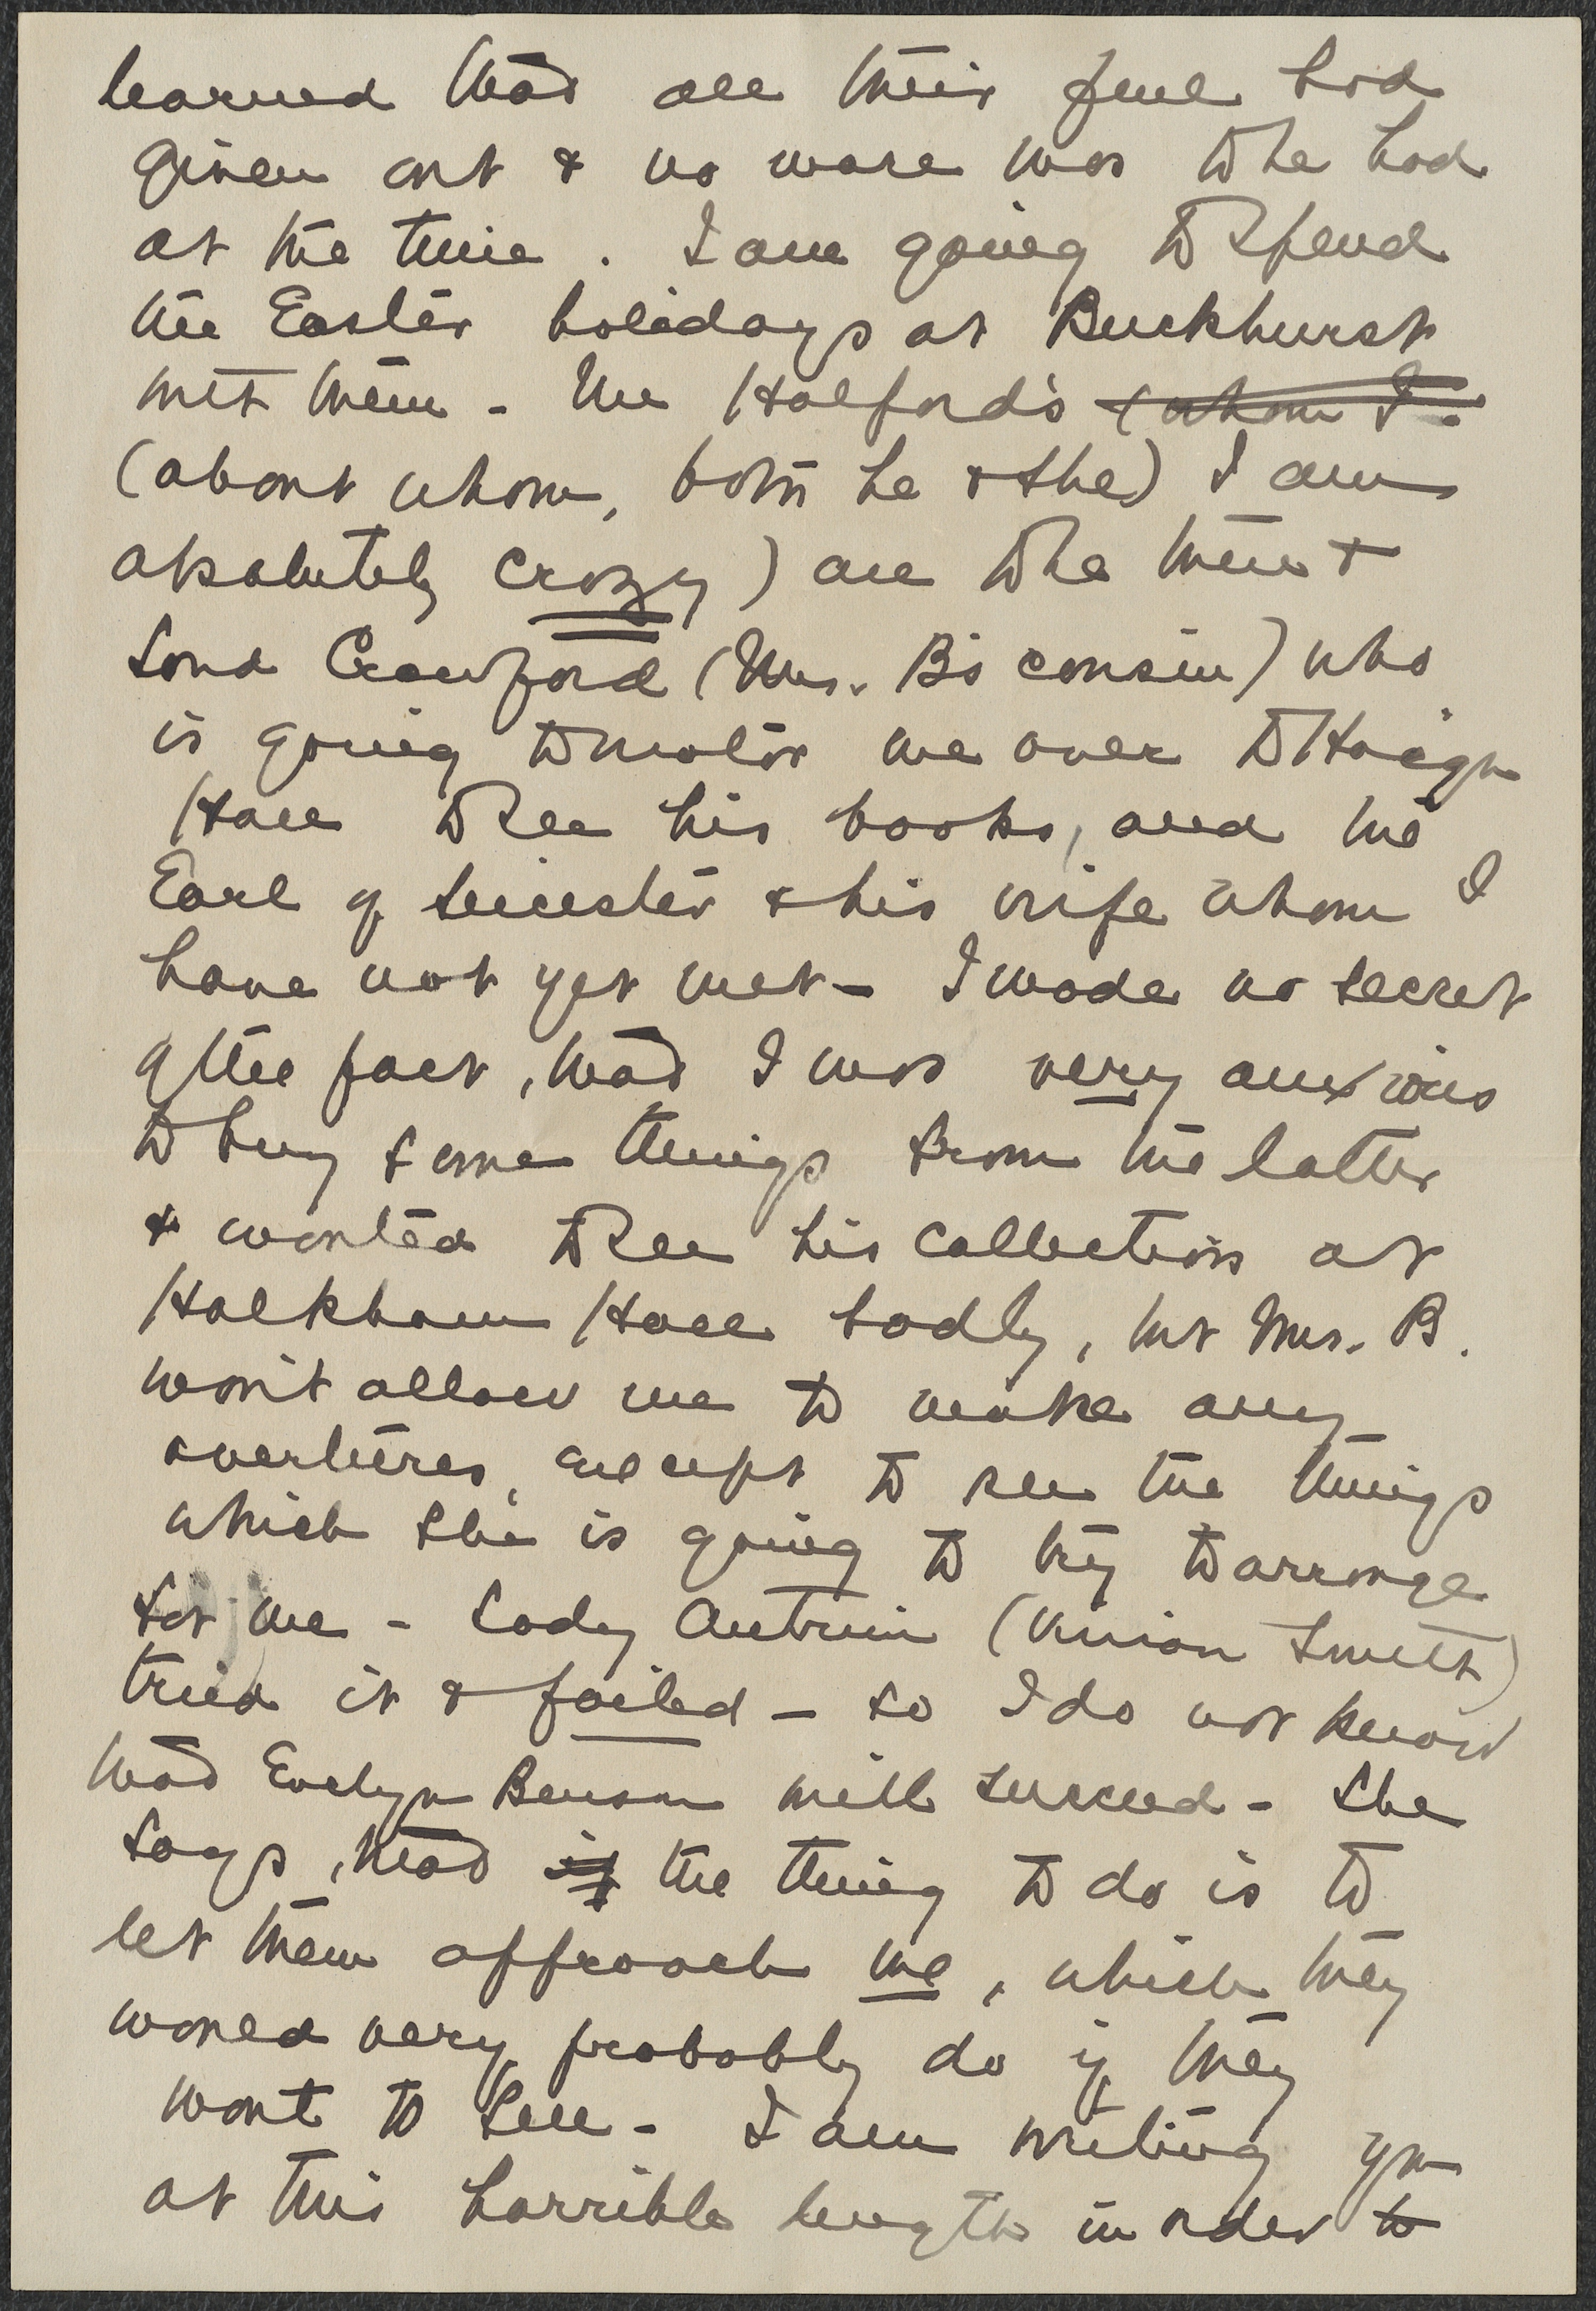learned that all their fuel had given out & no more was to be had at the time. I am going to spend the Easter holidays at Buckhurst with them – Holford's (whom I – (about whom, both he & she) I am absolutely [double underlined: crazy]) are to be there & Lord Crawford (Mrs. B's cousin) who is going to motor me over to Haigh Hall to see his books, and the Earl of Leicester & his wife whom I have not yet met – I made no secret of the fact, that I was very anxious to buy some things from the latter & wanted to see his collections at Holkham Hall badly, but Mrs. B. won't allow me to make any overtures, except to see the things which she is going to try to arrange for me – Lady Antrium (Vivian Smith) tried it & failed – so I do not know that Evelyn Benson will succeed – She says that if the thing to do is to let them approach me, which they would very probably do if they want to sell – I am writing at this horrible length in order to